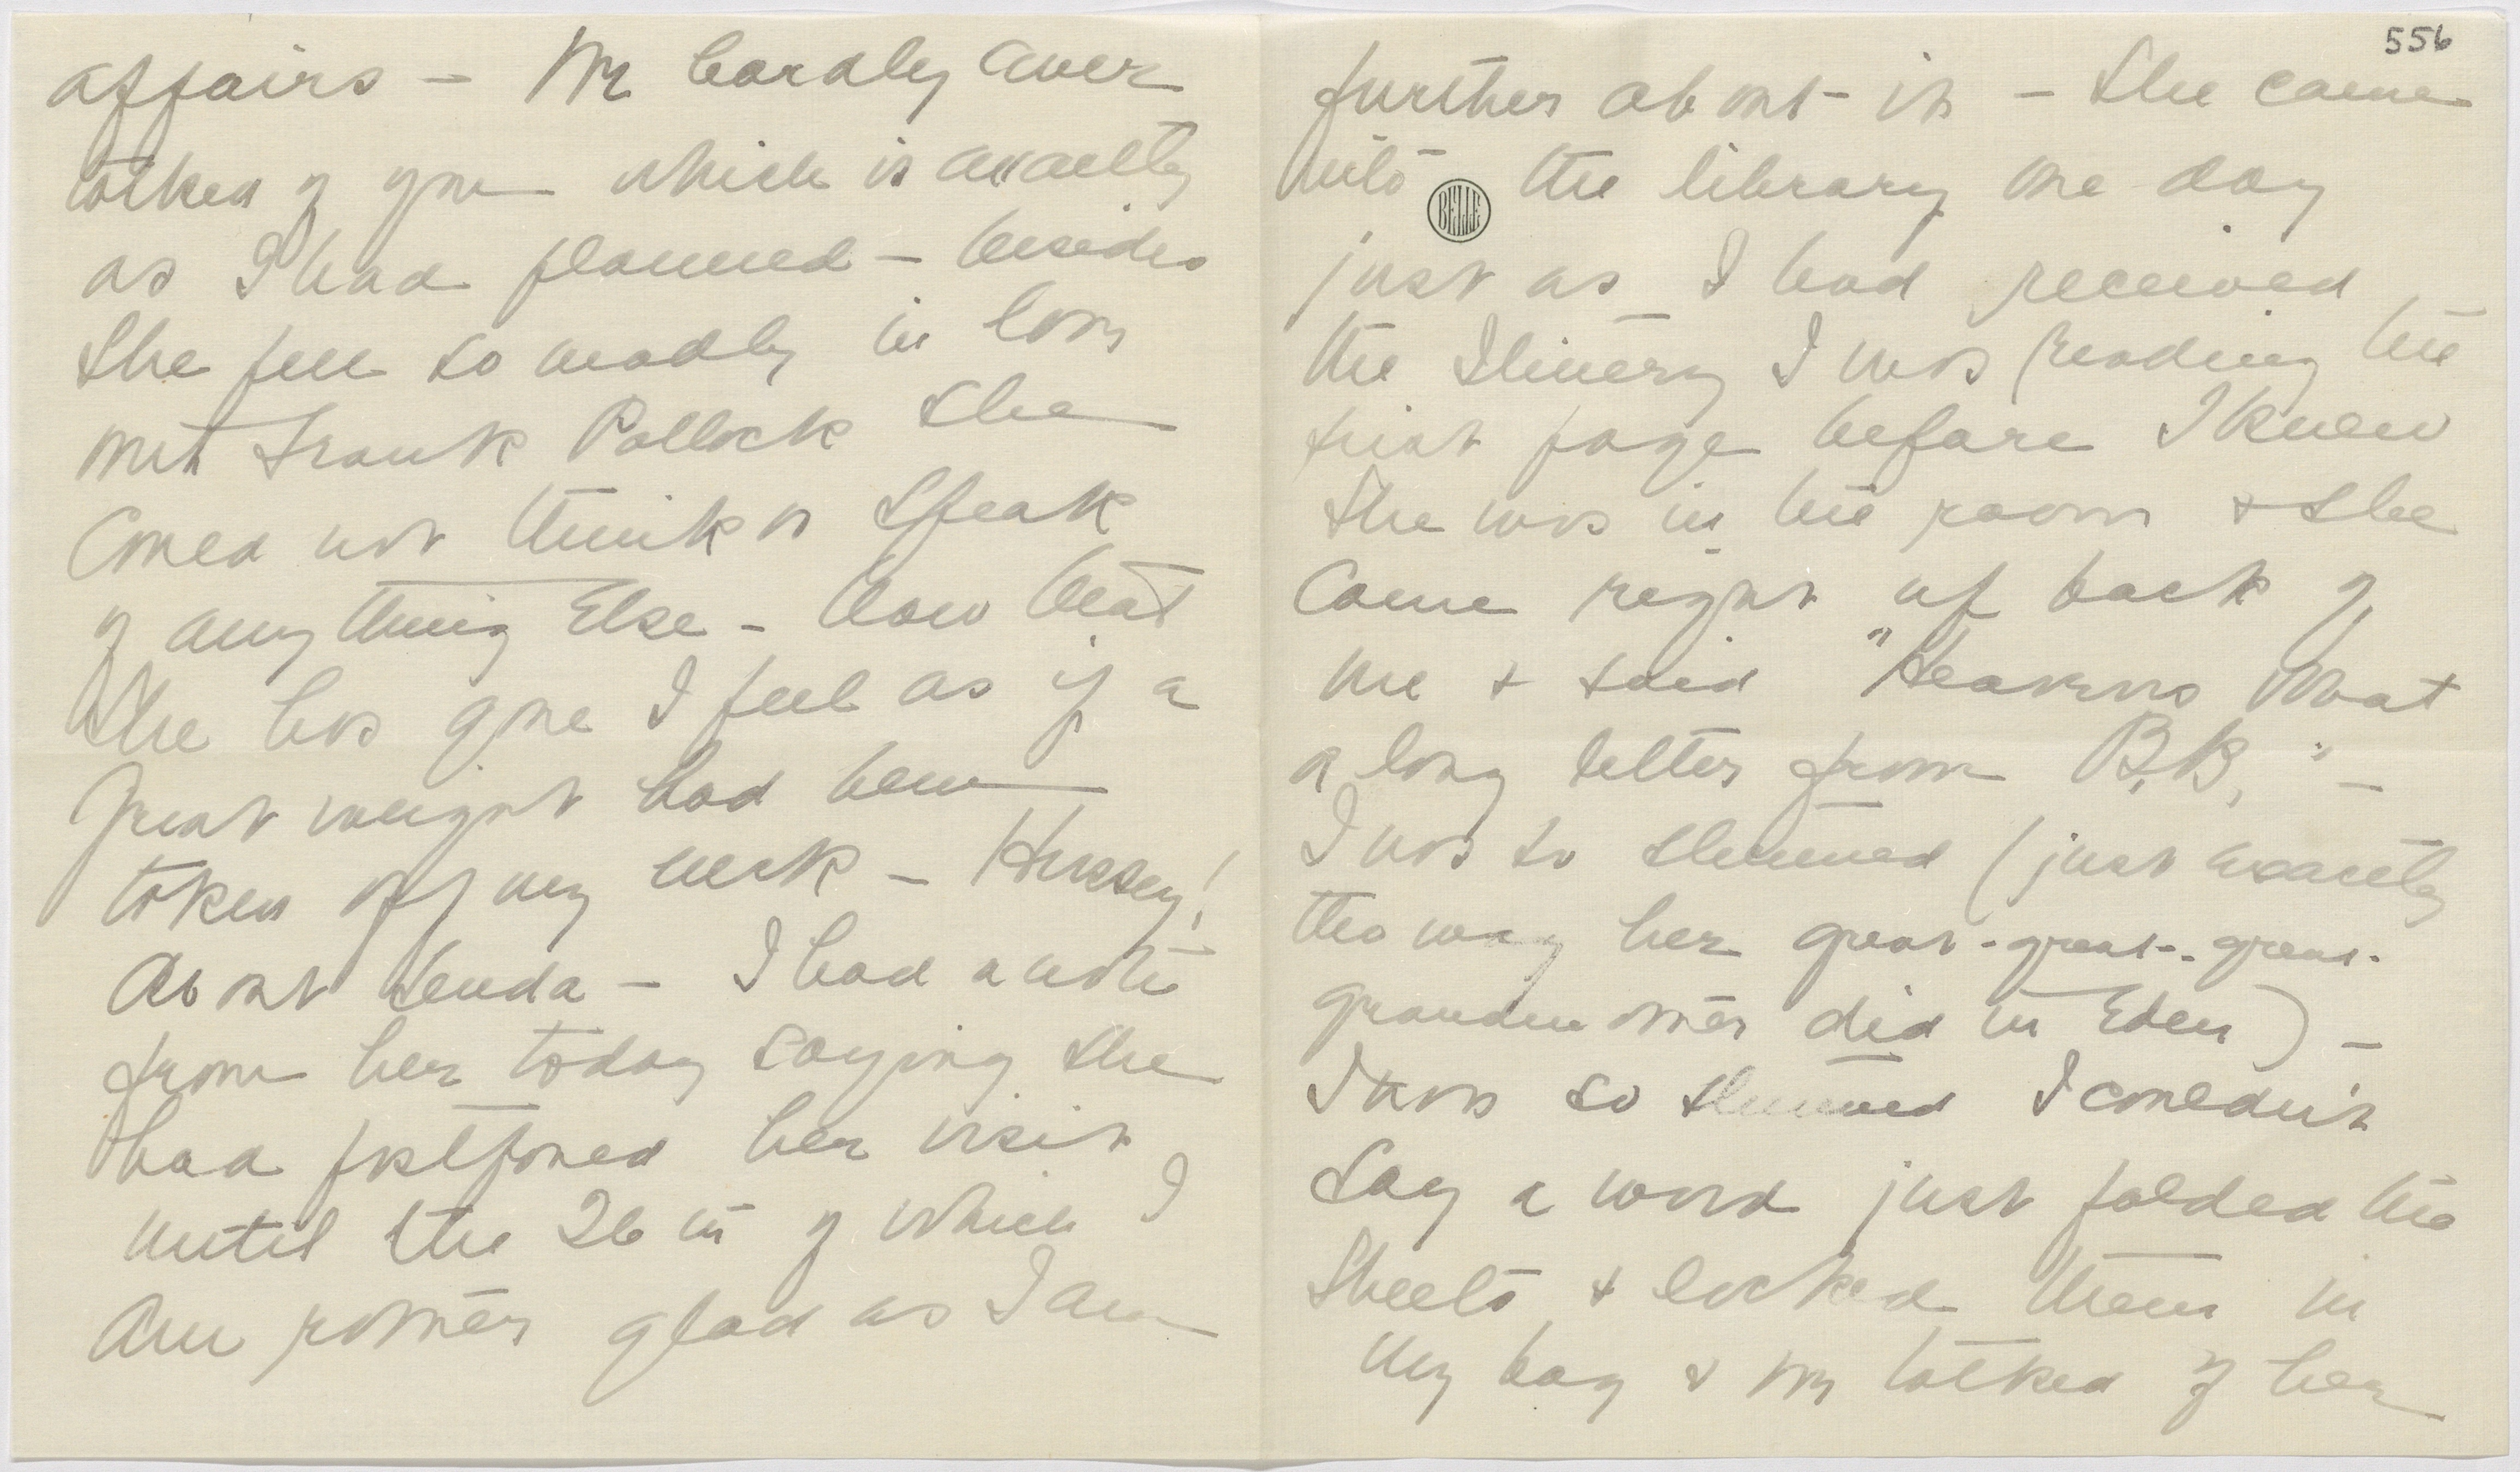further about it – she came into the library one day just as I had received the Itinery [sic] I was reading the first page before I knew she was in the room & she came right up back of me & said “Heavens what a long letter from B. B.” – I was so stunned (just exactly the way her great-great-great-grandmother did in Eden) – I was so stunned I couldn’t say a word just folded the sheets & locked them in my bag & we talked of her
affairs – We hardly ever talked of you which is exactly as I had planned – besides she fell so madly in love with Frank Pollock she could not think or speak of any thing else – Now that she has gone I feel as if a great weight had been taken off my neck – Hussey!
about Senda – I had a note from her today saying she had postponed her visit until the 26th of which I am rather glad as I am